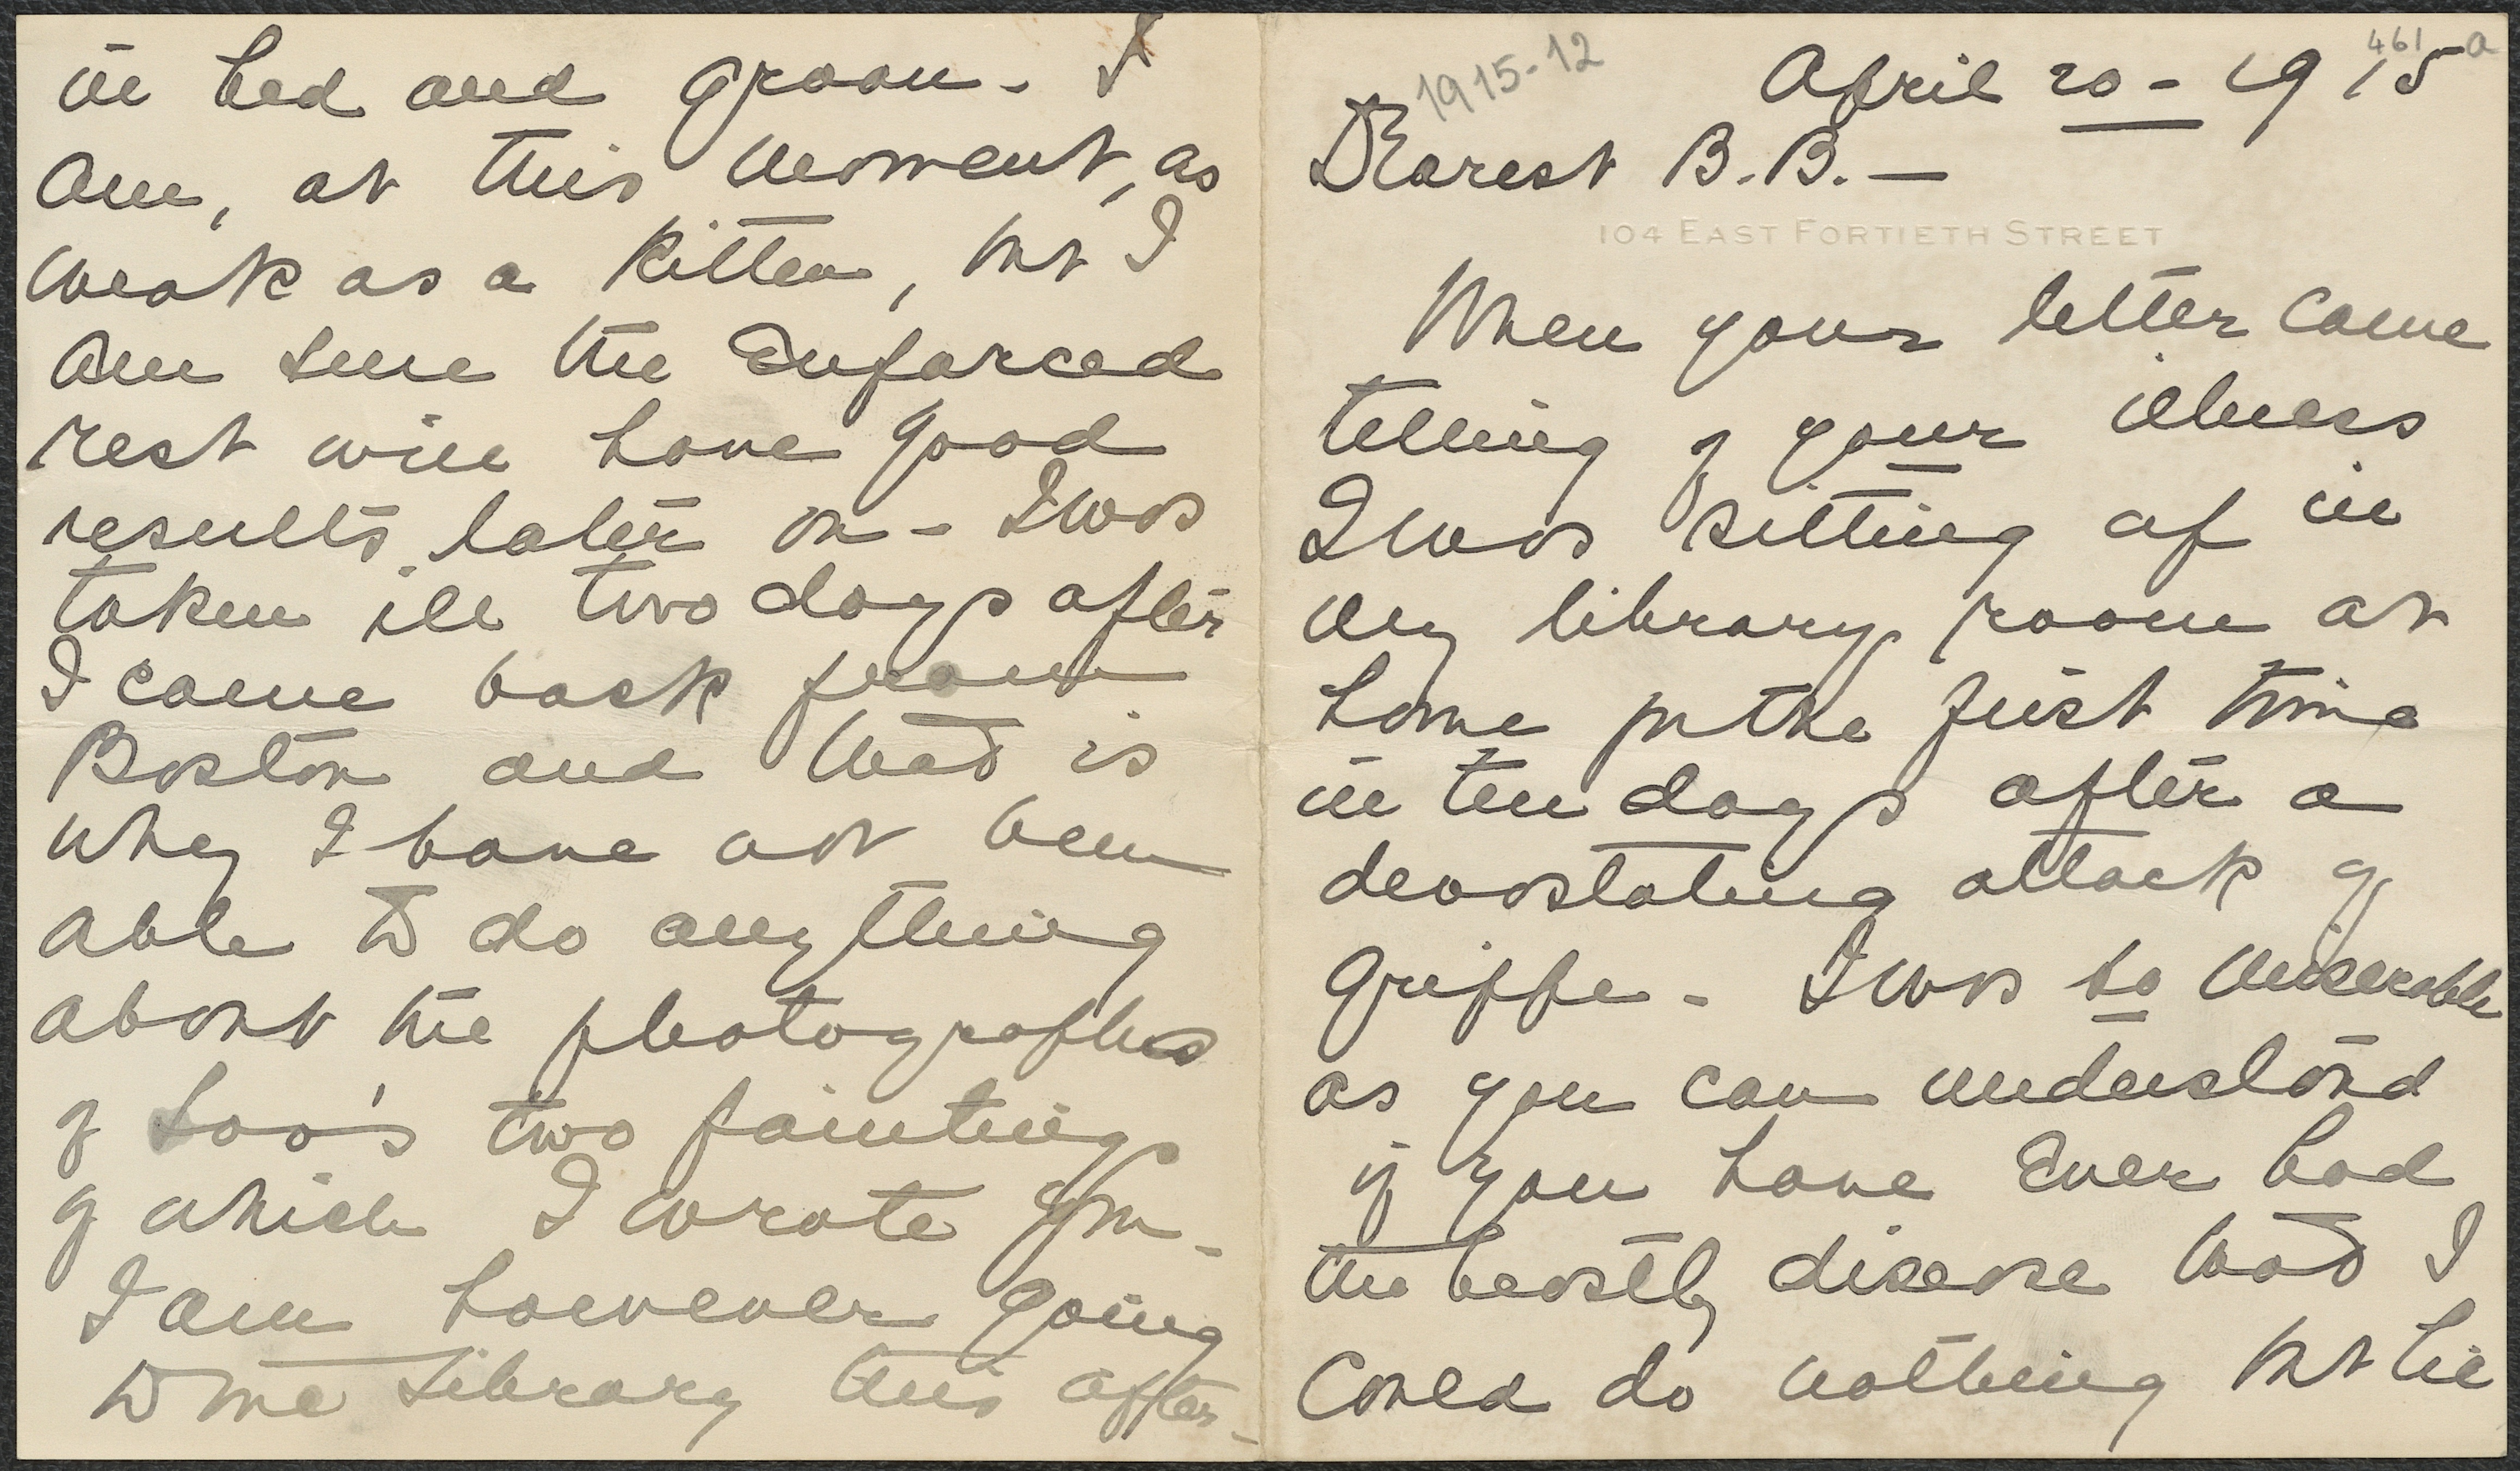April 20 – 1915
Dearest B.B. –
When your letter came telling of your illness I was sitting up in my library room at home for the first time in ten days after a devastating attack of grippe – I was so miserable if you have ever had the beastly disease that I could do nothing but lie
in bed and groan – I am, at this moment, as weak as a kitten, but I am sure the enforced rest will have good results later on – I was taken ill two days after I came back from Boston and that is why I have not been able to do anything about the photographs of Loo’s two paintings of which I wrote you – I am however going to the Library this afternoon